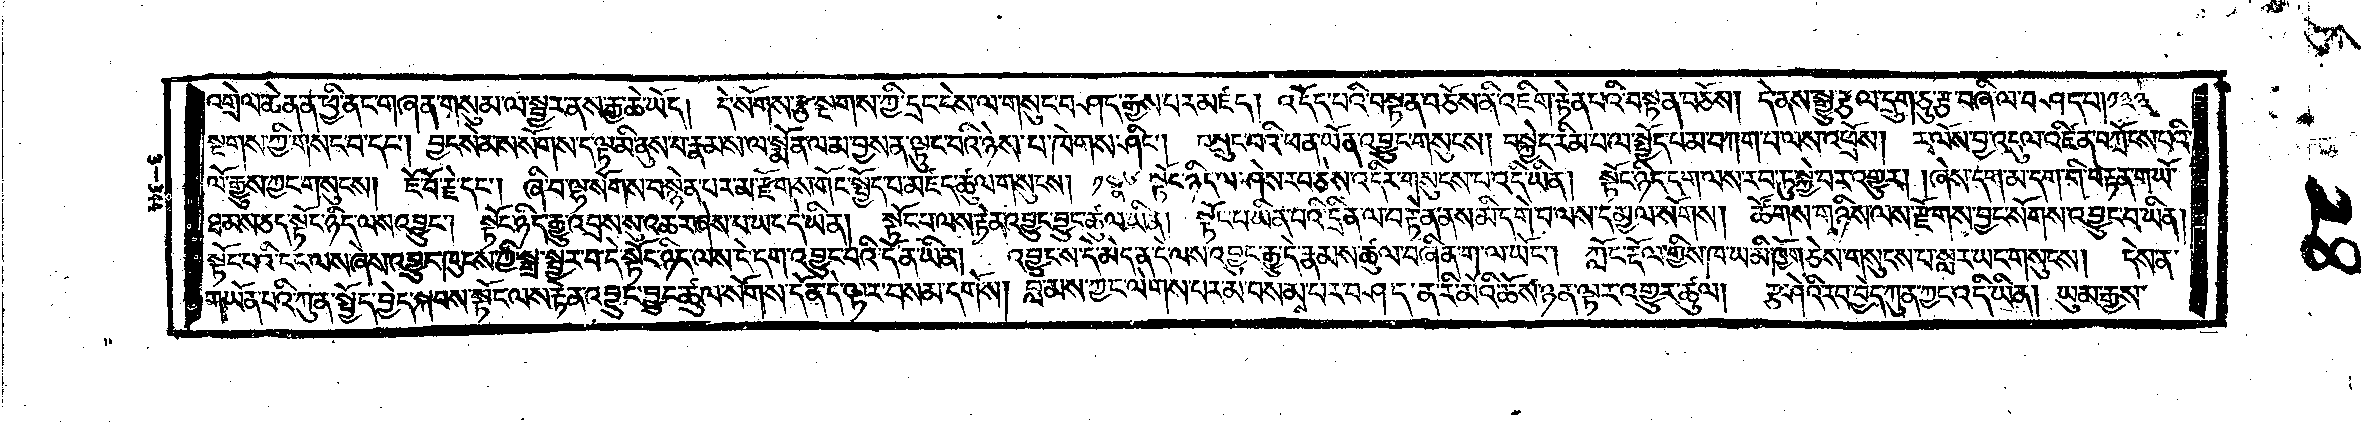འགྲེལ་ཆེན་ན་ཕྱི་ནང་གཞན་གསུམ་ལ་སྦྱར་ནས་རྒྱ་ཆེ་ཡོད། དེ་སོགས་རྩ་སྔགས་ཀྱི་དྲང་ངེས་ལ་གསུང་བཤད་རྒྱས་པར་མཛད། འདོད་པའི་བསྟན་བཅོས་ནི་འཇིག་རྟེན་པའི་བསྟན་བཅོས། དེ་ནས་སྒྱུ་རྩལ་དྲུག་ཅུ་རྩ་བཞི་ལ་བཤད་པ། ༡༣༣
སྔགས་ཀྱི་གསང་བ་དང་། བྱང་སེམས་སོགས་ད་ལྟ་མི་ནུས་པ་རྣམས་ལ་སྨོན་ལམ་བྱས་ན་ལྟུང་བའི་ཉེས་པ་ཁེགས་ཤིང་། བསྲུང་བའི་ཕན་ཡོན་འབྱུང་གསུངས། བསྐྱེད་རིམ་པ་ལ་སྤྱོད་པ་མ་བཀག་པ་ལས་འཕྲོས། རྭ་ལོས་བྱ་འདུལ་འཛིན་བཀྲོངས་པའི་
ལོ་རྒྱུས་ཀྱང་གསུངས། ཇོ་བོ་རྗེ་དང་། ཞི་བ་ལྷ་སོགས་བསྙེན་པར་མ་རྫོགས་གོང་སྤྱོད་པ་མཛད་ཚུལ་གསུངས། ༡༤༦་སྟོང་ཉིད་ལ་ཤེས་རབ་ཅེས་འདིར་གསུངས་པ་འདི་ཡིན། སྟོང་ཉིད་དགེ་ལས་རབ་ཏུ་སྐྱེ་བར་འགྱུར། །ཞེས་དག་མ་དག་གི་བརྟན་གཡོ་
ཐམས་ཅད་སྟོང་ཉིད་ལས་འབྱུང་། སྟོང་ཉིད་རྒྱུ་འབྲས་སུ་འཆར་ཞེས་པ་ཡང་དེ་ཡིན། སྟོང་པ་ལས་རྟེན་འབྱུང་བྱུང་ཚུལ་ཡིན། སྟོང་པ་ཡིན་བའི་དྲིན་ལ་བརྟེན་ནས་མི་དགེ་བ་ལས་དམྱལ་སོགས། ཚོགས་གཉིས་ལས་རྫོགས་བྱང་སོགས་འབྱུང་བ་ཡིན།
སྟོང་པའི་ངང་ལས་ཞེས་འབྱུང་ཁུངས་ཀྱི་སྒྲ་སྦྱར་བ་དེ་སྟོང་ཉིད་ལས་དེ་དག་འབྱུང་བའི་དོན་ཡིན། འབྱུང་ས་དེ་མེད་ན་དེ་ལས་འབྱུང་རྒྱུ་དེ་རྣམས་ཚུལ་བཞིན་ག་ལ་ཡོང་། ཀློང་རྡོལ་གྱིས་ཁ་ཡ་མི་ཁྱོག་ཅེས་གསུངས་པ་སླར་ཡང་གསུངས། དེས་ན་
གཡོན་པའི་ཀུན་སྤྱོད་བྱེད་སྐབས་སྟོང་ལས་རྟེན་འབྱུང་ཕྱུང་ཚུལ་སོགས་དོན་དེ་ལྟར་བསམ་དགོས། བླ་མས་ཀྱང་ལེགས་པར་མ་བསམས་པར་བཤད་ན་རི་མོའི་ཆོས་ཉན་ལྟར་འགྱུར་ཚུལ། རྩ་ཤེའི་རབ་བྱེད་ཀུན་ཀྱང་འདི་ཡིན། ཡུམ་རྒྱས་